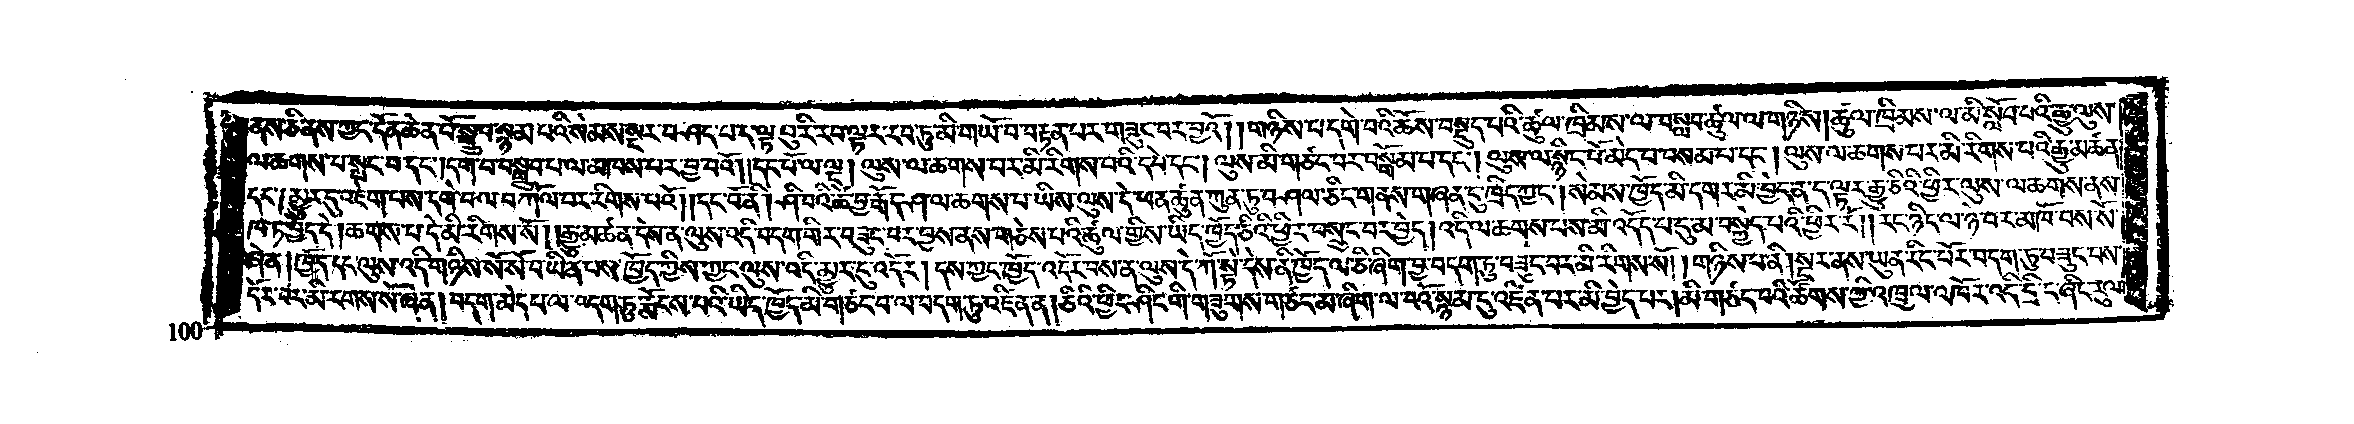ནས་ཅི་ནས་ཀྱང་དོན་ཆེན་པོ་སྒྲུབ་སྙམ་པའི་སེམས་སྔར་བཤད་པ་དེ་ལྟར་རབ་ཏུ་མི་གཡོ་བ་བརྟན་པར་གཟུང་བར་བྱའོ། །གཉིས་པ་དགེ་བའི་ཆོས་བསྡུད་པའི་ཚུལ་ཁྲིམས་ལ་བསླབ་ཚུལ་ལ་གཉིས། ཚུལ་ཁྲིམས་ལ་མི་སློབ་པའི་རྒྱུ་ལུས་
ལ་ཆགས་པ་སྤང་བ་དང་། དགེ་བ་བསྒྲུབ་པ་ལ་མཁས་པར་བྱ་བའོ། །དང་པོ་ལ་ལྔ། ལུས་ལ་ཆགས་པར་མི་རིགས་པའི་དཔེ་དང་། ལུས་མི་གཙང་བར་བསྒོམ་པ་དང་། ལུས་ལ་སྙིང་པོ་མེད་པ་བསམ་པ་དང་། ལུས་ལ་ཆགས་པར་མི་རིགས་པའི་རྒྱུ་མཚན་
ཁ་ཏེ་བྱེད་དེ། ཆགས་པ་དེ་མི་རིགས་སོ། །རྒྱུ་མཚན་དེས་ན་ལུས་འདི་བདག་གིར་བཟུང་བར་བྱས་ནས་གཅེས་པའི་ཚུལ་གྱིས་ཡིད་ཁྱོད་ཅིའི་ཕྱིར་བསྲུང་བར་བྱེད། འདི་ལ་ཆགས་པས་མི་འདོད་པ་དུ་མ་བསྐྱེད་པའི་ཕྱིར་རོ། །རང་ཉིད་ལ་ཉེ་བར་མཁོ་བས་སོ་
དོར་བར་མི་རགས་སོ་ཞེ་ན། བདག་མེད་པ་ལ་བདག་ཏུ་རྨོངས་པའི་ཡིད་ཁྱོད་མི་གཙང་བ་ལ་བདག་ཏུ་འཛིན་ན། ཅིའི་ཕྱིར་ཤིང་གི་གཟུགས་གཙང་མ་ཞིག་ལ་བའོ་སྙམ་དུ་འཛིན་པར་མི་བྱེད་པར། མི་གཙང་བའི་ཚོགས་ཀྱི་འཁྲུལ་འཁོར་འདི་དྲི་ང་ཞིང་རུལ་